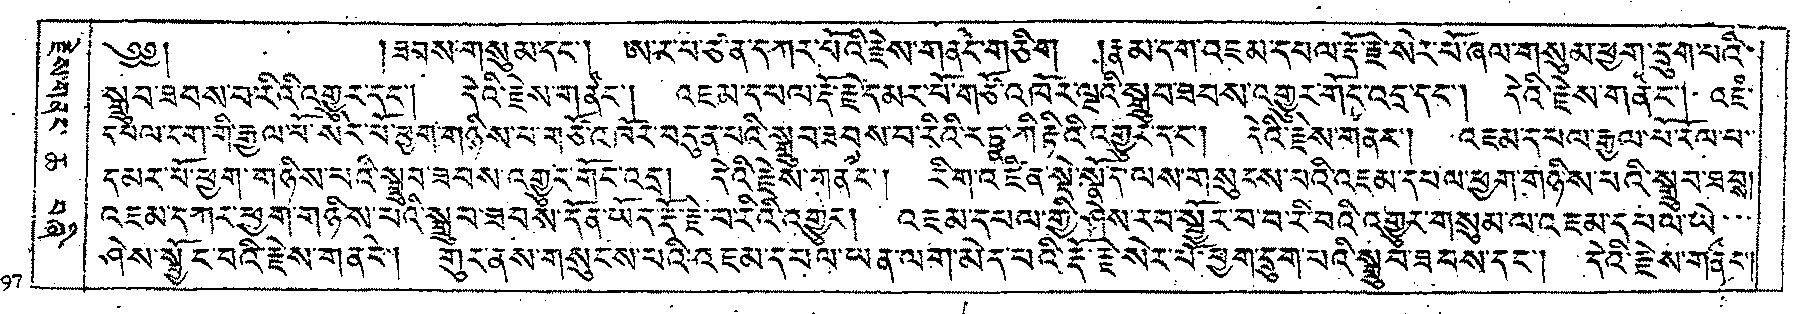༄༅། །ཐབས་གསུམ་དང་། ཨ་ར་པ་ཙ་ན་དཀར་པོའི་རྗེས་གནང ༣་གཅིག །རྣམ་དག་འཇམ་དཔལ་རྡོ་རྗེ་སེར་པོ་ཞལ་གསུམ་ཕྱག་དྲུག་པའི་
སྒྲུབ་ཐབས་བ་རིའི་འགྱུར་དང་། དེའི་རྗེས་གནང ༤། འཇམ་དཔལ་རྡོ་རྗེ་དམར་པོ་གཙོ་འཁོར་ལྔའི་སྒྲུབ་ཐབས་འགྱུར་གོང་འདྲ་དང་། དེའི་རྗེས་གནང ༥། འཇམ་
དཔལ་ངག་གི་རྒྱལ་པོ་སེར་པོ་ཕྱག་གཉིས་པ་གཙོ་འཁོར་བདུན་པའི་སྒྲུབ་ཐབས་པ་རིའི་རཏྣ་ཀི་རྟིའི་འགྱུར་དང་། དེའི་རྗེས་གནང ༦། འཇམ་དཔལ་རྒྱལ་པོ་རོལ་པ་
དམར་པོ་ཕྱག་གཉིས་པའི་སྒྲུབ་ཐབས་འགྱུར་གོང་འདྲ། དེའི་རྗེས་གནང ༧། རིག་འཛིན་སྡེ་སྣོད་ལས་གསུངས་པའི་འཇམ་དཔལ་ཕྱག་གཉིས་པའི་སྒྲུབ་ཐབས་
འཇམ་དཀར་ཕྱག་གཉིས་པའི་སྒྲུབ་ཐབས་དོན་ཡོད་རྡོ་རྗེ་བ་རིའི་འགྱུར། འཇམ་དཔལ་གྱི་ཤེས་རབ་སྦྱོར་བ་བ་རི་བའི་འགྱུར་གསུམ་ལ་འཇམ་དཔལ་ཡི་
ཤེས་སྦྱོང་བའི་རྗེས་གནང་ངེ་?་། གུར་ནས་གསུངས་པའི་འཇམ་དཔལ་ཡན་ལག་མེད་པའི་རྡོ་རྗེ་སེར་པོ་ཕྱག་དྲུག་པའི་སྒྲུབ་ཐབས་དང་། དེའི་རྗེས་གནང ༩།